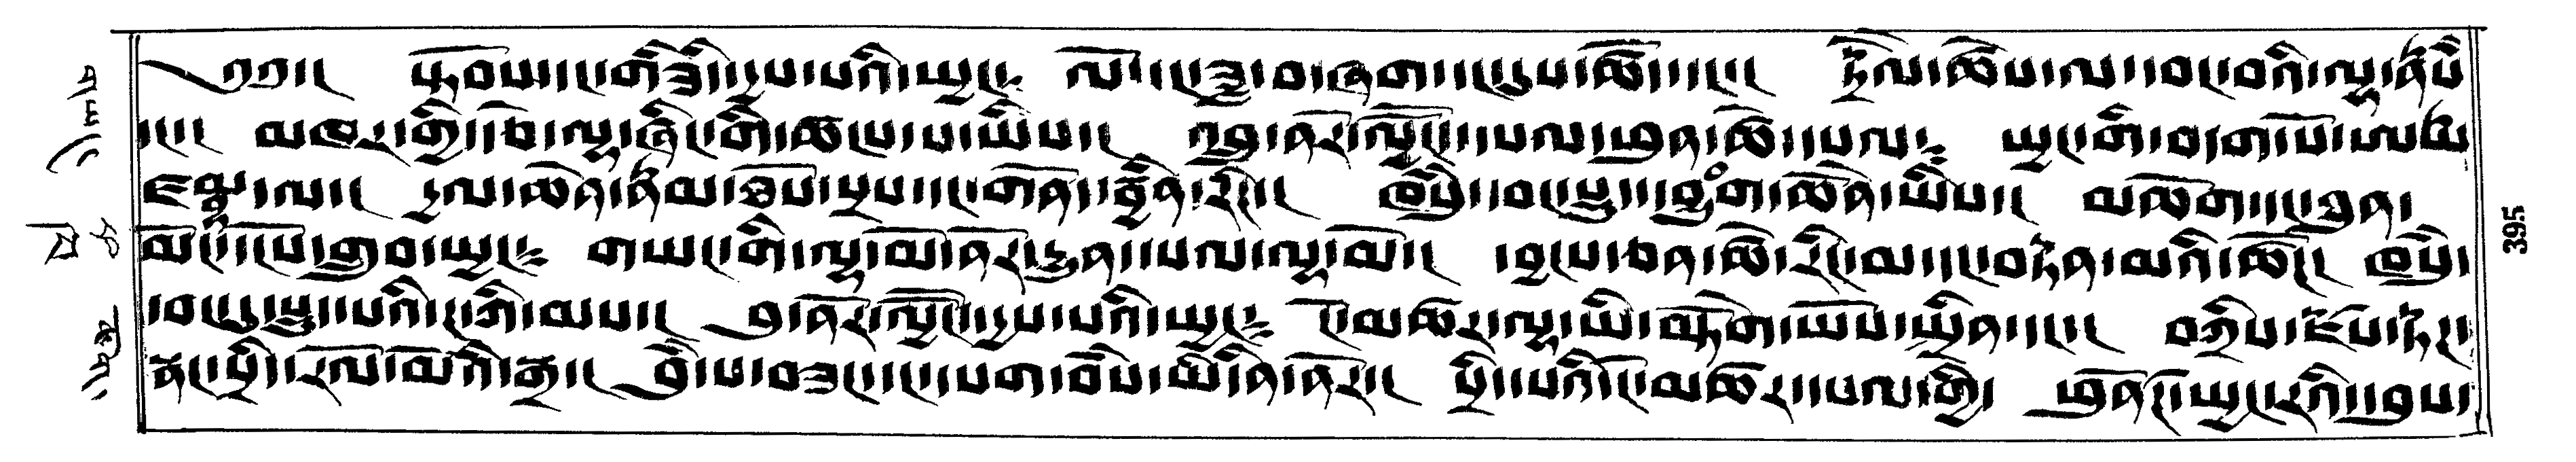སྟོབས་དང་གཟི་བརྗིད་རྒྱས་པའི་གཡང་། ལོ་དང་ཟླ་བ་ཞག་དང་དུས་ཚོད་དང་། །རྟེན་འབྲེལ་ཚེས་ལ་དབང་བའི་ལྷ་རྣམས་
དང་། །མཁར་གྱི་རྩེ་ལྷ་ཞིང་གི་ཚངས་པ་ཡིས། །འབྲུ་ནོར་ལོངས་སྤྱོད་དཔལ་ཕུན་ཚེ་དཔལ་ཁུག།གཡང་གི་བདག་པོ་ཨརྻ་
ཛམྦྷ་ལ། །རྒྱལ་ཆེན་རྣམ་ཐོས་སྲས་དང་གནོད་སྦྱིན་རིགས། །ཁམས་གསུམ་དབང་སྡུས་དབང་ཕྱུག་ཆེན་པོ་ཡིས། །མཆོག་དང་ཐུན་
མོང་དངོས་གྲུབ་གཡང༴ གཡང་གི་ལྷ་མོ་ནོར་རྒྱུན་དཔལ་ལྷ་མོ། །དབྱངས་ཅན་ཚེ་རིང་མ་དང་བརྟན་མའི་ཚོགས། །ཁམས་གསུམ་
དབང་དུ་སྡུད་པའི་ཌཱ་ཀི་མས། །བུ་ནོར་ལོངས་སྤྱོད་རྒྱས་པའི་གཡང༴ ངོ་མཚར་ལྷ་ཡི་མེ་ཏོག་སྤོས་སྤྲིན་དང་། །བཀྲ་ཤིས་རྫས་རྟགས་
སྣང་སྲིད་རོལ་མོའི་སྒྲ། །བུམ་པ་བཟང་དང་དཔག་བསམ་ཡིད་བཞིན་ནོར། །སྲིད་པའི་ངོ་མཚར་དཔལ་གྱི །ཕུན་ཚོགས་གཡང་རའི་དབུས་